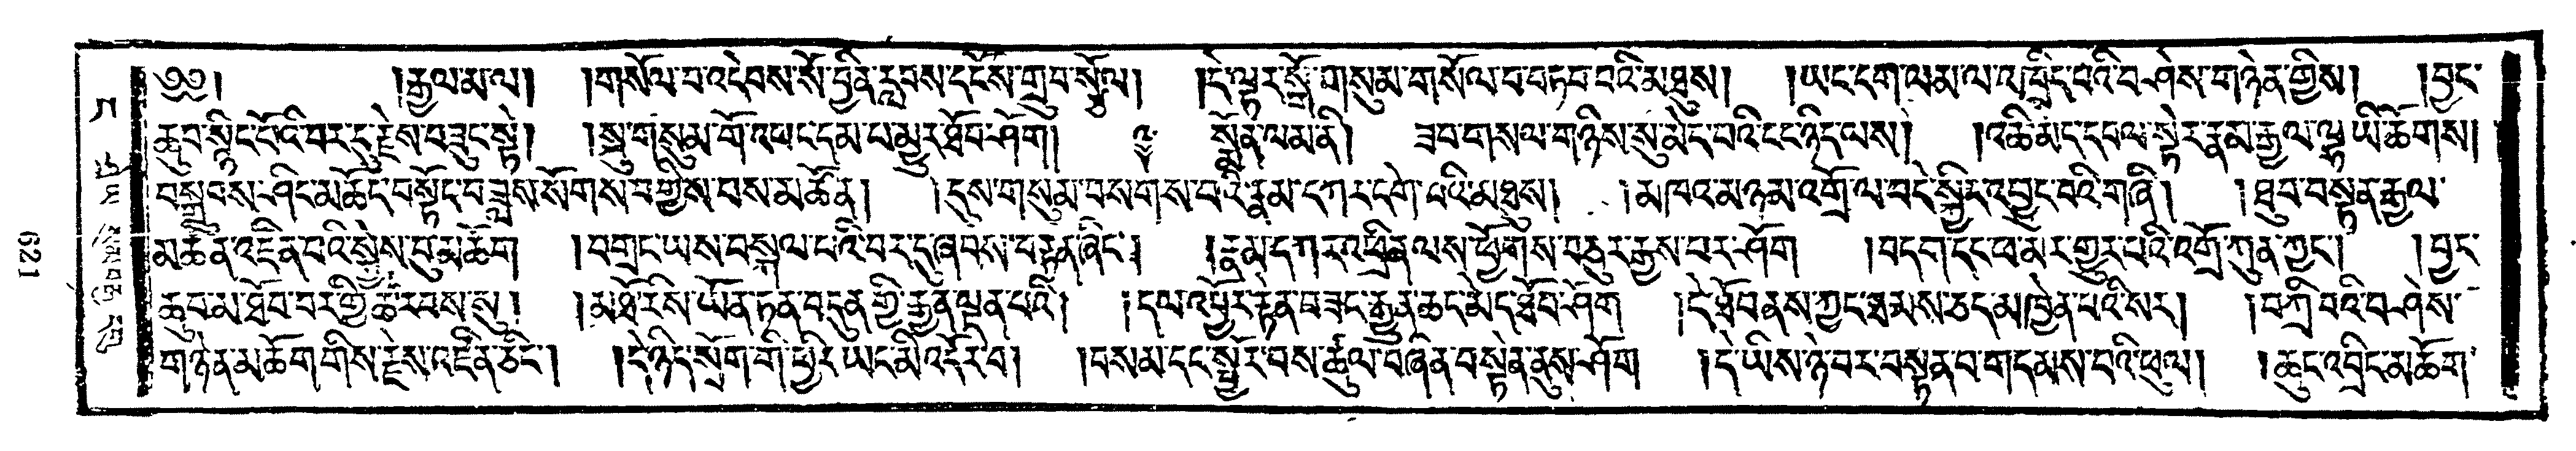༄༅། །རྒྱལ་མ་ལ། །གསོལ་བ་འདེབས་སོ་བྱིན་རླབས་དངོས་གྲུབ་སྩོལ། །དེ་ལྟར་སྒོ་གསུམ་གསོལ་བ་བཏབ་པའི་མཐུས། །ཡང་དག་ལམ་ལ་འཁྲིད་པའི་བཤེས་གཉེན་གྱིས། །བྱང་
ཆུབ་སྙིང་པོའི་བར་དུ་རྗེས་བཟུང་སྟེ། །སྐུ་གསུམ་གོ་འཕང་དམ་པ་མྱུར་ཐོབ་ཤོག། ༈ སྨོན་ལམ་ནི། ཟབ་གསལ་གཉིས་སུ་མེད་པའི་ངང་ཉིད་ལས། །འཆི་མད་དཔལ་སྟེར་རྣམ་རྒྱལ་ལྷ་ཡི་ཚོགས། །
བསྒྲུབས་ཤིང་མཆོད་བསྟོད་བཟླས་སོགས་བགྱིས་བས་མཚོན། །དུས་གསུམ་བསགས་པའི་རྣམ་དཀར་དགེ་བའི་མཐུས། །མཁའ་མཉམ་འགྲོ་ལ་བདེ་སྐྱིད་འབྱུང་བའི་གཞི། །ཐུབ་བསྟན་རྒྱལ་
མཚན་འཛིན་པའི་སྐྱེས་བུ་མཆོག །བགྲང་ཡས་བསྐལ་པའི་བར་དུ་ཞབས་བརྟན་ཞིང་། །རྣམ་དཀར་འཕྲིན་ལས་ཕྱོགས་བཅུར་རྒྱས་པར་ཤོག །བདག་དང་ཕ་མར་གྱུར་པའི་འགྲོ་ཀུན་ཀྱང་། །བྱང་
ཆུབ་མ་ཐོབ་བར་གྱི་ཚེ་རབས་སུ། །མཐོ་རིས་ཡོན་ཏན་བདུན་གྱི་རྒྱན་ལྡན་པའི། །དལ་འབྱོར་རྟེན་བཟང་རྒྱུན་ཆད་མེད་ཐོབ་ཤོག །དེ་ཐོབ་ནས་ཀྱང་ཐམས་ཅད་མཁྱེན་པའི་སར། །བཀྲི་བའི་བཤེས་
གཉེན་མཆོག་གིས་རྗེས་འཛིན་ཅིང་། །དེ་ཉིད་སྲོག་གི་ཕྱིར་ཡང་མི་འདོར་བ། །བསམ་དང་སྦྱོར་བས་ཚུལ་བཞིན་བསྟེན་ནུས་ཤོག །དེ་ཡིས་ཉེ་བར་བསྟན་པ་གདམས་པའི་ཕུལ། །ཆུང་འབྲིང་མཆོག་